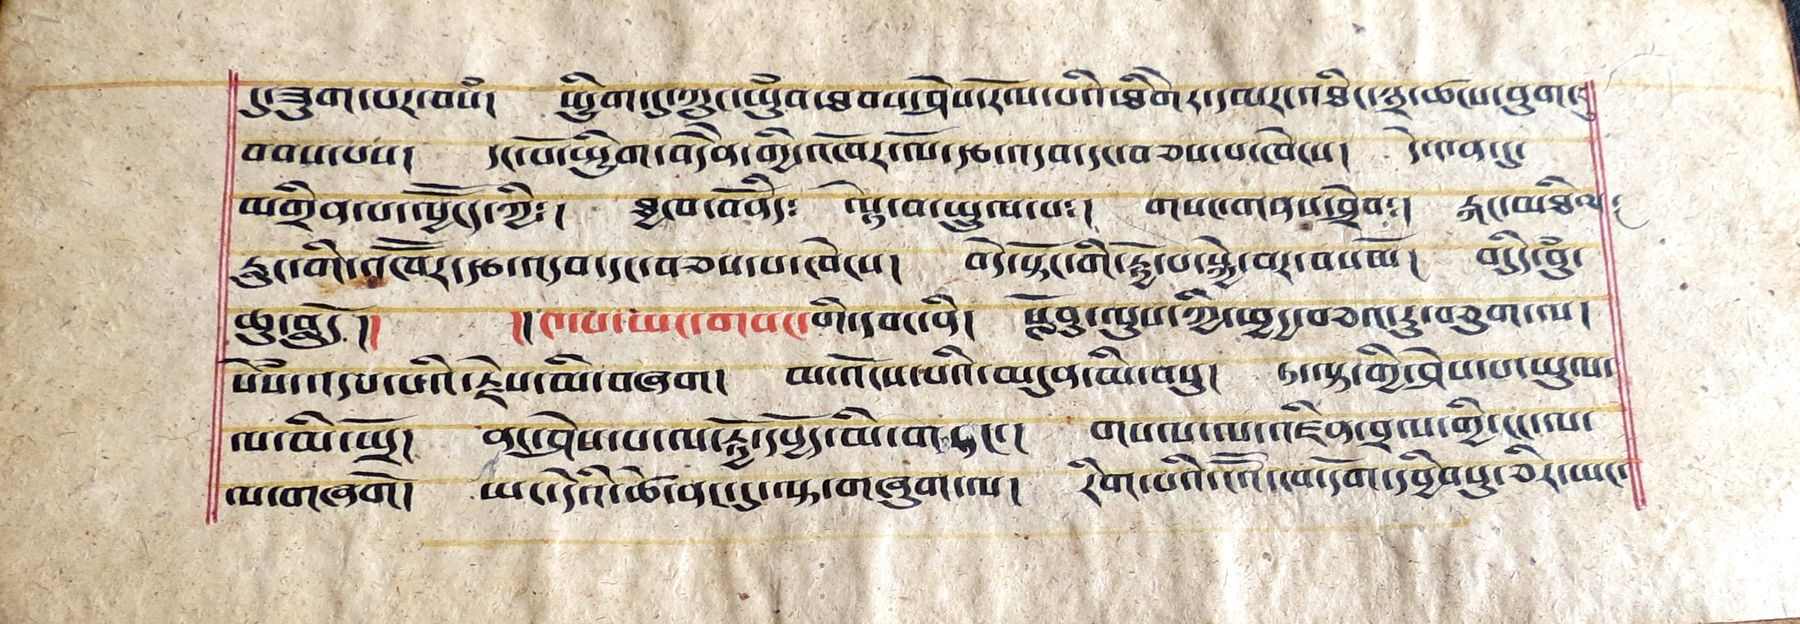ཏུ་ཟུག་པར་བསམ། སྤྱི་གཙུག་ཀུན་ཏུ་བཟང་པོ་ཡབ་ཡུམ་ཐབས་ཤེས་རོལ་པའི་ཐིག་ལེ་ཨ་མ་དཀར་དམར་མཐིང་གསུམ་ཚངས་བུག་ཏུ་
བབས་པས། དང་པོ་སྤྱི་གཙུག་བདེ་ཆེན་གྱི་འཁོར་ལོ་རྩ་འདབས་དང་ཆས་པ་ཁེངས། དེ་བཞིན་དུ་
མགྲིན་པ་ལོངས་སྤྱོད་ཀྱི་འཁོར་ལོ། ཐུགས་ཀ་བོན་ཉིད་ཀྱི་འཁོར་ལོ། ལྟེ་བ་སྤྲུལ་པའི་འཁོར་ལོ། གསང་གནས་ཐབས་ཤེས་ཀྱི་འཁོར་ལོ། རྐང་མཐིལ་
རླུང་གི་འཁོར་ལོ་རྩ་འདབ་དང་ཆས་པ་རྣམས་ཁེངས་ནས། བདེ་སྟོང་གི་རྟོགས་པ་སྐྱེ་བར་བསམ་མོ། ། བདུད་རྩི་བུམ་
ཆུ་བླུད་དོ། ། བཞི་པ་ཡང་གསང་གི་དབང་ནི། སློབ་བུ་ལུས་ཀྱི་ཕྱག་རྒྱ་བཅའ་རུ་བཅུག་ལ། 
སེམས་འདས་པའི་རྗེས་མི་གཞག མ་འོངས་པའི་མདུན་མི་བསུ། ད་ལྟའི་ཤེས་པ་ཕྱི་ཡུལ་
ལ་མི་སྤྲོ། ནང་ཤེས་པ་ལ་རྟོག་དཔྱོད་མི་གཏོང་། གསལ་ལ་འཛིན་བྲལ་གྱི་ངང་
ལ་བཞག་གོ། ཡང་དེའི་ཚེ་ནང་དུ་ལྟར་གཞུག་ལ། རིག་པའི་ངོ་བོ་ཁ་དོག་དབྱིབས་སུ་ཅིར་ཡང་།